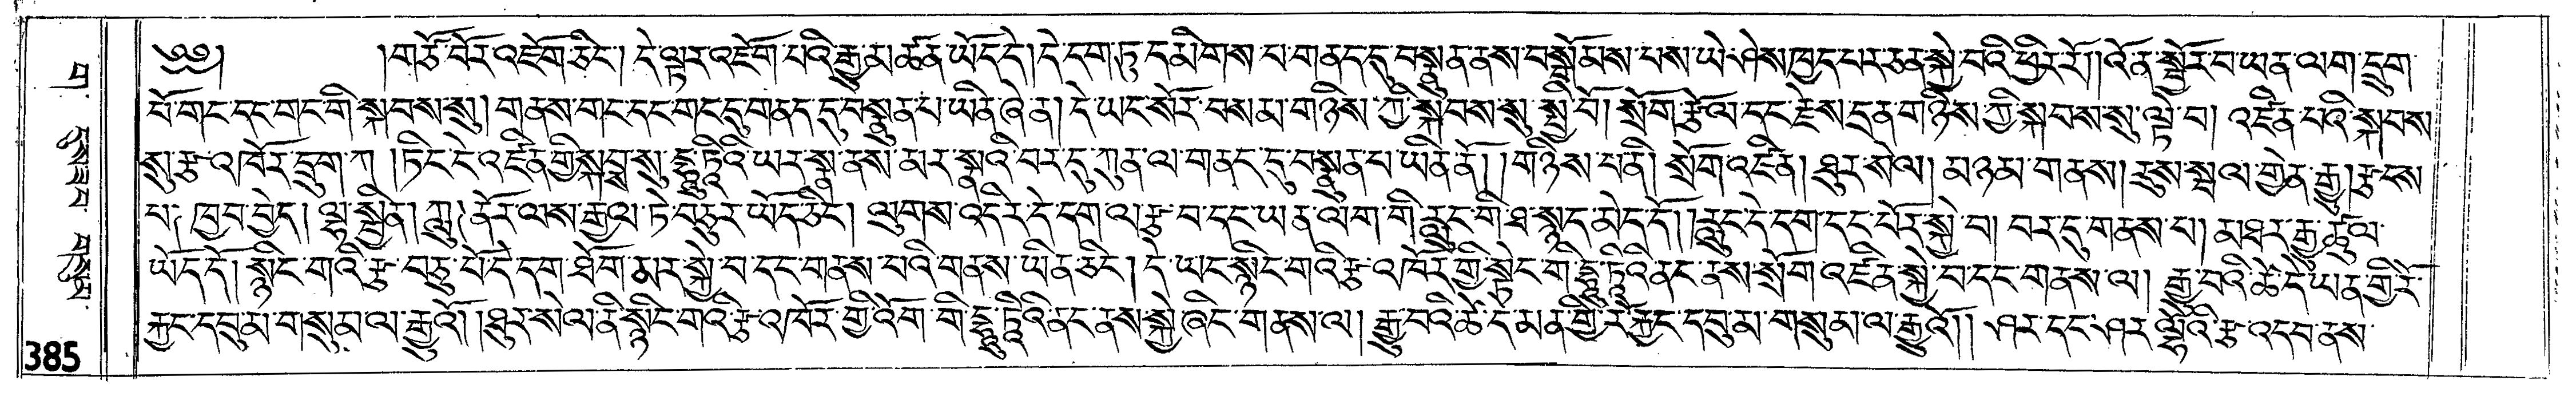༄༅། །གཙོ་བོར་འཇོག་ཅིང་། དེ་ལྟར་འཇོག་པའི་རྒྱུ་མཚན་ཡོད་དེ། དེ་དག་ཏུ་དམིགས་པ་གནད་དུ་བསྣུན་ནས་བསྒོམས་པས་ཡེ་ཤེས་ཁྱད་པར་ཅན་སྐྱེ་བའི་ཕྱིར་རོ། །འོ་ན་སྦྱོར་བ་ཡན་ལག་དྲུག་
པོ་གང་དང་གང་གི་སྐབས་སུ། གནས་གང་དང་གང་དུ་གནད་དུ་བསྣུན་པ་ཡིན་ཞེ་ན། དེ་ཡང་སོར་བསམ་གཉིས་ཀྱི་སྐབས་སུ་སྤྱི་བོ། སྲོག་རྩོལ་དང་རྗེས་དྲན་གཉིས་ཀྱི་སྐབས་སུ་ལྟེ་བ། འཛིན་པའི་སྐབས་
སུ་རྩ་འཁོར་དྲུག་ཀ། ཏིང་ངེ་འཛིན་གྱི་སྐབས་སུ་དྷཱུ་ཏཱིའི་ཡར་སྣ་ནས་མར་སྣའི་བར་དུ་ཀུན་ལ་གནད་དུ་བསྣུན་པ་ཡིན་ནོ། །གཉིས་པ་ནི། སྲོག་འཛིན། ཐུར་སེལ། མཉམ་གནས། རུས་སྦལ་གྱེན་རྒྱུ། རྩངས་
པ༑ ཁྱབ་བྱེད། ལྷ་སྦྱིན། ཀླུ། ནོར་ལས་རྒྱལ་ཏེ་བཅུར་ཡོད་ཅིང་། ལུགས་འདིར་དེ་དག་ལ་རྩ་བ་དང་ཡན་ལག་གི་རླུང་གི་ཐ་སྙད་མེད་དོ། །རླུང་དེ་དག་དང་པོར་སྐྱེ་བ། བར་དུ་གནས་པ། མཐར་རྒྱུ་ཚུལ་
ཡོད་དོ། སྙིང་གའི་རྩ་བཅུ་པོ་དེ་དག་ཐོག་མར་སྐྱེ་བ་དང་གནས་པའི་གནས་ཡིན་ཅིང་། དེ་ཡང་སྙིང་གའི་རྩ་འཁོར་གྱི་སྟེང་གི་དྷཱུ་ཏཱིའི་ནང་ནས་སྲོག་འཛིན་སྐྱེ་བ་དང་གནས་ལ། རྒྱུ་བའི་ཚེ་དེ་ཡན་གྱི་རོ་
རྐྱང་དབུ་མ་གསུམ་ལ་རྒྱུའོ། །ཐུར་སེལ་ནི་སྙིང་གའི་རྩ་འཁོར་གྱི་འོག་གི་དྷཱུ་ཏཱིའི་ནང་ནས་སྐྱེ་ཞིང་གནས་ལ། རྒྱུ་བའི་ཚེ་དེ་མན་གྱི་རོ་རྐྱང་དབུ་མ་གསུམ་ལ་རྒྱུའོ། །ཤར་དང་ཤར་ལྷོའི་རྩ་འདབ་ནས་